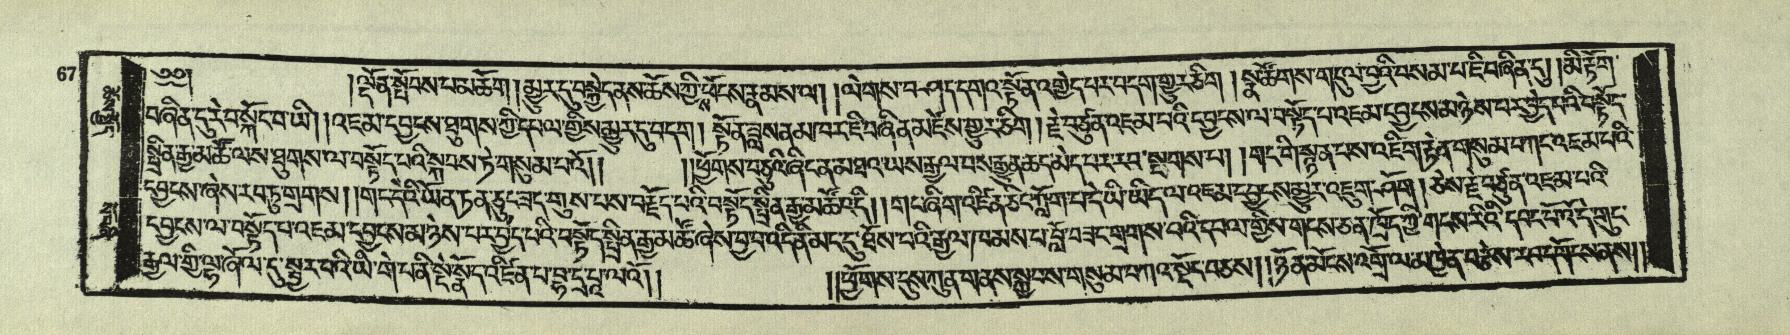༄༅། །ལྡོན་སྤོབས་པ་མཆོག །མྱུར་དུ་བསྐྱེད་ནས་ཆོས་ཀྱིས་ཕོངས་རྣམས་ལ། །ལེགས་བཤད་དགའ་སྟོན་འགྱེད་པར་བདག་གྱུར་ཅིག །སྣ་ཚོགས་གདུལ་བྱའི་བསམ་པ་ཇི་བཞིན་དུ། །མི་རྟོག་
བཞིན་དུ་རེ་བ་སྐོང་བ་ཡི། །འཇམ་དབྱངས་ཐུགས་ཀྱི་དཔལ་གྱིས་མྱུར་དུ་བདག །སྟོན་ཟླས་ནམ་མཁར་ཇི་བཞིན་མཛེས་གྱུར་ཅིག །རྗེ་བཙུན་འཇམ་པའི་དབྱངས་ལ་བསྟོད་པ་འཇམ་དབྱངས་མཉེས་པར་བྱེད་པའི་བསྟོད་
སྤྲིན་རྒྱ་མཚོ་ལས་ཐུགས་ལ་བསྟོད་པའི་སྐབས་ཏེ་གསུམ་པའོ།། །།ཕྱོགས་བཅུའི་ཞིང་ན་མཐའ་ཡས་རྒྱལ་བས་རྒྱུན་ཆད་མེད་པར་རབ་སྔགས་པ། །གང་གི་སྙན་པས་འཇིག་རྟེན་གསུམ་བཀང་འཇམ་པའི་
དབྱངས་ཞེས་རབ་ཏུ་གྲགས། །གང་དེའི་ཡོན་ཏན་ཅུང་ཟད་གུས་པས་བརྗོད་པའི་བསྟོད་སྤྲིན་རྒྱ་མཚོ་འདི། །གང་ཞིག་འཛིན་ཅིང་ཀློག་པ་དེ་ཡི་ཡིད་ལ་འཇམ་དབྱངས་མྱུར་འཇུག་ཤོག །ཅེས་རྗེ་བཙུན་འཇམ་པའི་
དབྱངས་ལ་བསྟོད་པ་འཇམ་དབྱངས་མཉེས་པར་བྱེད་པའི་བསྟོད་སྤྲིན་རྒྱ་མཚོ་ཞེས་བྱ་བ་འདི་ནི་མང་དུ་ཐོས་པའི་རྒྱལ་ཁམས་པ་བློ་བཟང་གྲགས་པའི་དཔལ་གྱིས་གངས་ཅན་ཁྲོད་ཀྱི་གངས་རིའི་དབང་པོའོ་དེ་གུང་
རྒྱལ་གྱི་ལྷ་ཞོལ་དུ་སྦྱར་བའི་ཡི་གེ་པ་ནི་སྡེ་སྣོད་འཛིན་པ་བྷ་དྲ་པཱ་ལའོ།། །།ཕྱོགས་དུས་ཀུན་གནས་སྐྱབས་གསུམ་བཀའ་སྡོད་བཅས། །ཉོན་མོངས་འགྲོ་ལ་མཁྱེན་བརྩེས་རབ་དགོངས་ནས།།